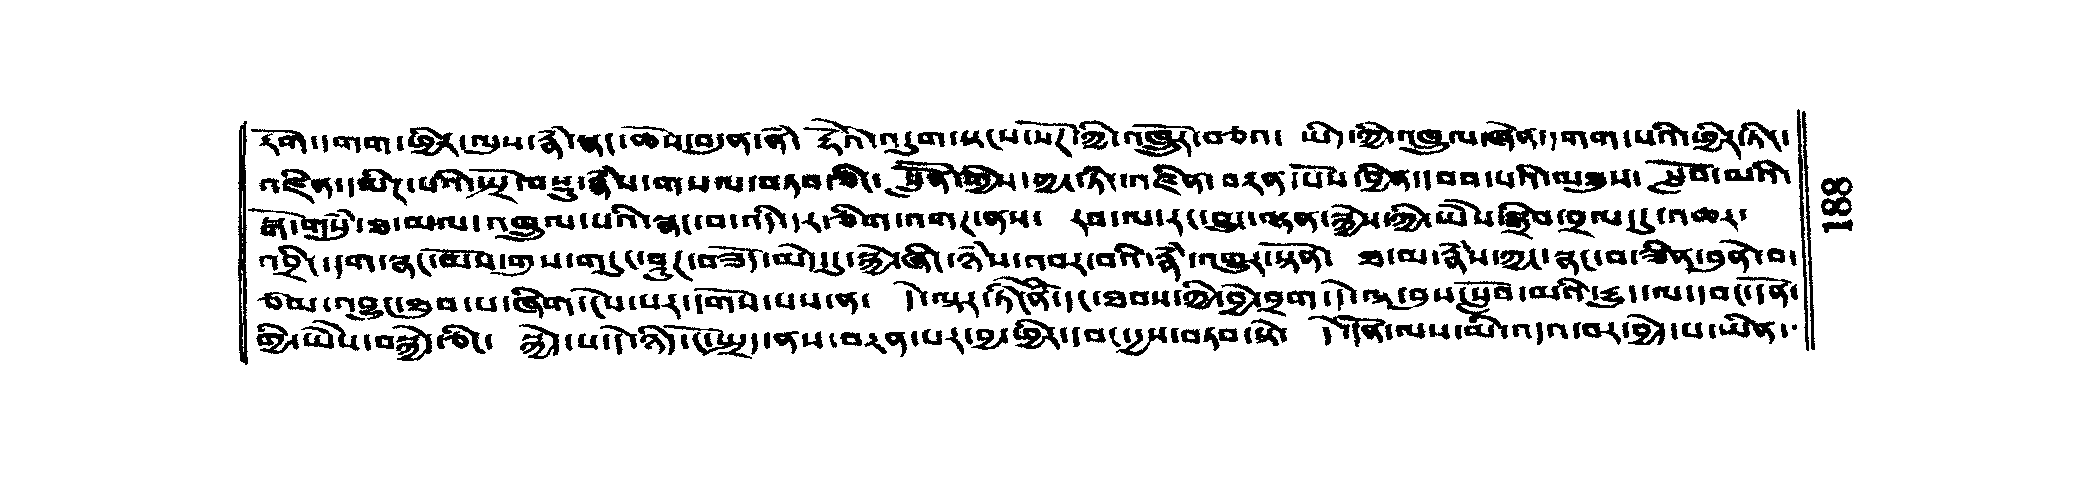རྟོག་དགག་ཕྱིར་ལུས་རྣམ་སྣང་ཆོས་བདུན་ནམ། རྡོ་རྗེའི་འདུག་སྟངས་སོགས་ཀྱི་འཁྲུལ་འཁོར་བཅའ། ཡིད་ཀྱི་འཁྲུལ་ཞེན་དགག་པའི་ཕྱིར་ཏིང་
འཛིན་དམིགས་པའི་སྤྲོ་བསྡུ་རྣམས་གསལ་བཏབ་ཅིང་། སློབ་དཔོན་གྱིས་ཀྱང་ཏིང་འཛིན་བརྟན་པོས་བྱིན་དབབ་པའི་མཐུས། སློབ་མའི་
སྒོ་གསུམ་ཐ་ལམ་འཁྲུལ་པའི་སྣང་བ་འདི་དར་ཅིག་འགགས་ནས། རབ་ལ་རང་བྱུང་ལྷན་སྐྱེས་ཀྱི་ཡེ་ཤེས་སྒྲིབ་བྲལ་དུ་འཆར། 
འབྲིང་དག་སྣང་མོས་གུས་གདུང་ཤུགས་བཟོད་མེད་དུ་སྐྱེ་ཞིང་ཉམས་འབར་བའི་རྣམ་འགྱུར་སྟོན། ཐ་མ་རྣམས་ཀྱང་སྣང་བ་ཟིལ་བུན་ནེ་བ་
ཙམ་འབྱུང་ཐུབ་པ་ཞིག་ངེས་པར་དགོས་པས་ན། དེ་ལྟར་ཏིང་ངེ་འཛིན་དང་ཐབས་ཀྱི་བྱེ་བྲག་དེ་ལྟ་བུས་སློབ་མའི་རྒྱུད་ལ་དབང་དོན་
གྱི་ཡེ་ཤེས་བསྐྱེད་ཅིང་། བསྐྱེད་པ་དེ་ཉིད་ངོ་སྤྲད་ནས་བརྟན་པར་བྱ་ཕྱིར་དབང་རྒྱས་བཏབ་སྟེ། དེ་དོན་ལས་མི་འདའ་བར་བྱེད་པ་ཡིན་